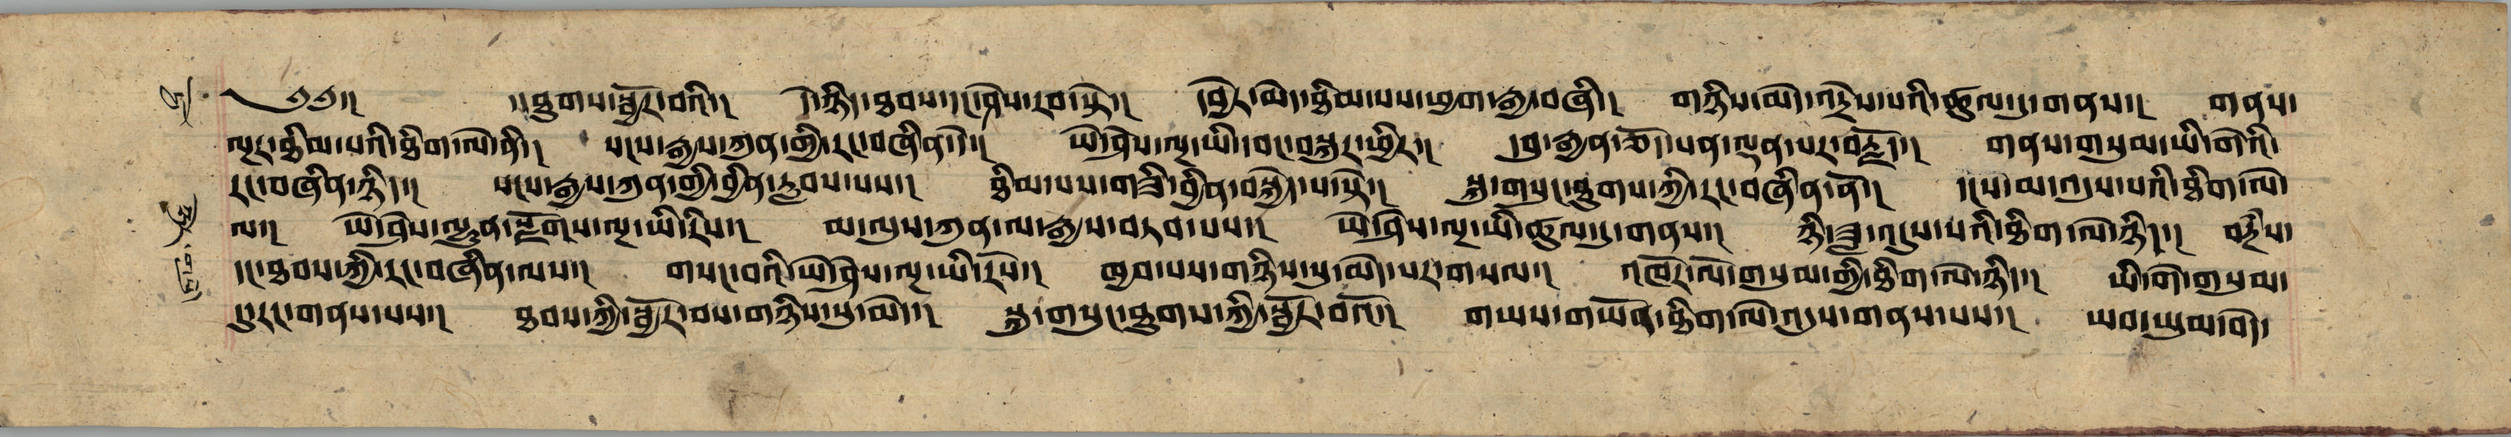༄༅་། ་།ཐུགས་སྦྱོར་བའི་། དེ་ཉིད་ཐབས་དང་ཤེས་རབ་སྟེ་། དབྱེར་མེད་ཐིམ་པས་ཕྱག་རྒྱ་བཞི་། གཉིས་མེད་འདྲེས་པའི་ཚུལ་དུ་གནས་། གནས་
ལྔར་ཐིམ་པའི་ཐིག་ལེ་ནི་། སངས་རྒྱས་ཀུན་གྱི་རང་བཞིན་དེ་། ཡེ་ཤེས་ལྔ་ཡི་དབང་བསྐུར་ཕྱིར་། དབུ་རྒྱན་ཅོད་པན་ལྡན་པར་བརྗོད་། གནས་གསུམ་ཡི་གེའི་
རང་བཞིན་ཉིད་། སངས་རྒྱས་ཀུན་གྱི་བྱིན་རླབས་པས་། ཐིམ་པས་གཟི་བྱིན་བསྐྱེད་པ་སྟེ་། སྐུ་གསུང་ཐུགས་ཀྱི་རང་བཞིན་ནོ་། དངས་མ་འདུས་པའི་ཐིག་ལེ་
ལ་། ཡེ་ཤེས་ལྷུན་སྫོགས་ལྔ་ཡི་རིས་། མ་ལུས་ཀུན་ལ་རྒྱས་བཏབ་པས་། ཡེ་ཤེས་ལྔ་ཡི་ཚུལ་དུ་གནས་། ཉི་ཟླ་འདུས་པའི་ཐིག་ལེ་ཉིད་། བརྔཾས་
དང་ཐབས་ཀྱི་རང་བཞིན་ལས་། གསང་བའི་ཡེ་ཤེས་ལྔ་ཡི་རོས་། ཁྱབ་པས་གཉིས་སུ་མེད་པར་གསལ་། འཁོར་ལོ་གསུམ་གྱི་ཐིག་ལེ་ཉིད་། ཡི་གེ་གསུམ་
དུ་རང་གནས་པས་། ཐབས་ཀྱི་སྦྱོར་བས་གཉིས་སུ་མེད་། སྐུ་གསུང་ཐུགས་ཀྱི་སྦྱོར་བའོ་། གཡས་གཡོན་ཐིག་ལེ་འདུས་གནས་པས་། ཡབ་ཡུམ་བདེ་